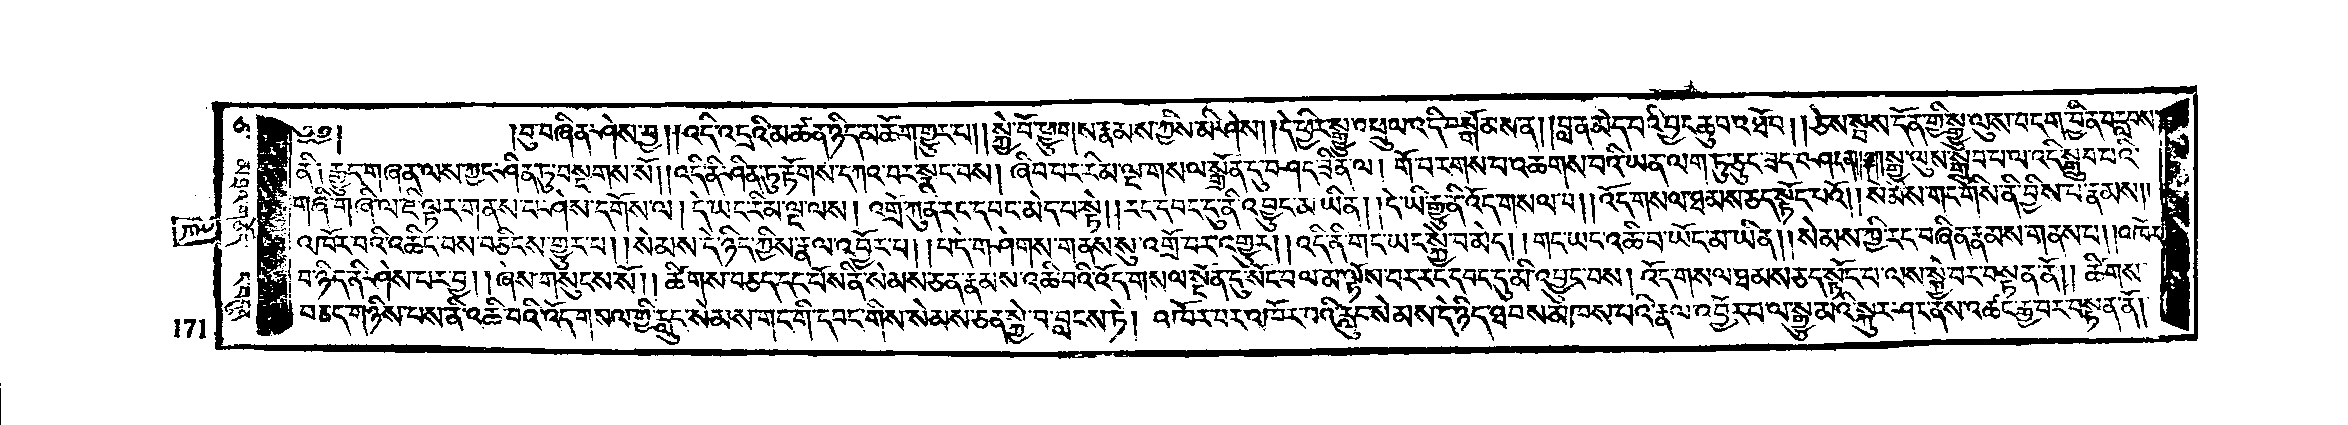༄༅། །བུ་བཞིན་ཤེས་བྱ། །འདི་འདྲའི་མཚན་ཉིད་མཆོག་གྱུར་པ། །སྐྱེ་བོ་ཕྱུགས་རྣམས་ཀྱིས་མི་ཤེས། །དེ་ཕྱིར་སྒྱུ་འཕྲུལ་འདི་བསྒོམས་ན། །བླ་ན་མེད་པའི་བྱང་ཆུབ་འཐོབ། །ཅེས་སྦས་དོན་གྱི་སྒྱུ་ལུས་བདག་བྱིན་བརླབས་
ནི། རྒྱུད་གཞན་ལས་ཀྱང་ཤིན་ཏུ་བསྔགས་སོ། །འདི་ནི་ཤིན་ཏུ་རྟོགས་དཀའ་བར་སྣང་བས། ཞིབ་པར་རིམ་ལྔ་གསལ་སྒྲོན་དུ་བཤད་ཟིན་ལ། གོ་བ་རགས་པ་འཆགས་པའི་ཡན་ལག་ཏུ་ཅུང་ཟད་བཤད་ན།། ༈ །།སྒྱུ་ལུས་སྒྲུབ་པ་ལ་འདི་སྒྲུབ་པའི་
གཞི་གཞི་ལ་ཇི་ལྟར་གནས་པ་ཤེས་དགོས་ལ། དེ་ཡང་རིམ་ལྔ་ལས། འགྲོ་ཀུན་རང་དབང་མེད་པ་སྟེ། །རང་དབང་དུ་ནི་འབྱུང་མ་ཡིན། །དེ་ཡི་རྒྱུ་ནི་འོད་གསལ་པ། །འོད་གསལ་ཐམས་ཅད་སྟོང་པའོ། །སེམས་གང་གིས་ནི་བྱིས་པ་རྣམས། །
འཁོར་བའི་འཆིང་བས་བཅིངས་གྱུར་པ། །སེམས་དེ་ཉིད་ཀྱིས་རྣལ་འབྱོར་པ། །བདེ་གཤེགས་གནས་སུ་འགྲོ་བར་འགྱུར། །འདི་ནི་གང་ཡང་སྐྱེ་བ་མེད། །གང་ཡང་འཆི་བ་ཡོད་མ་ཡིན། །སེམས་ཀྱི་རང་བཞིན་རྣམས་གནས་པ། །འཁོར་
བ་ཉིད་ནི་ཤེས་པར་བྱ། །ཞེས་གསུངས་སོ། །ཚིགས་བཅད་དང་པོས་ནི་སེམས་ཅན་རྣམས་འཆི་བའི་འོད་གསལ་སྔོན་དུ་སོང་བ་ལ་མ་ལྟོས་པར་རང་དབང་དུ་མི་འབྱུང་བས། འོད་གསལ་ལ་ཐམས་ཅད་སྟོང་པ་ལས་སྐྱེ་བར་བསྟན་ནོ། །ཚིགས་
བཅད་གཉིས་པས་ནི་འཆི་བའི་འོད་གསལ་གྱི་རླུང་སེམས་གང་གི་དབང་གིས་སེམས་ཅན་སྐྱེ་བ་བླངས་ཏེ། འཁོར་བར་འཁོར་བའི་རླུང་སེམས་དེ་ཉིད་ཐབས་མཁས་པའི་རྣལ་འབྱོར་པ་ལ་སྒྱུ་མའི་སྐུར་ཤར་ནས་འཚང་རྒྱ་བར་བསྟན་ནོ།